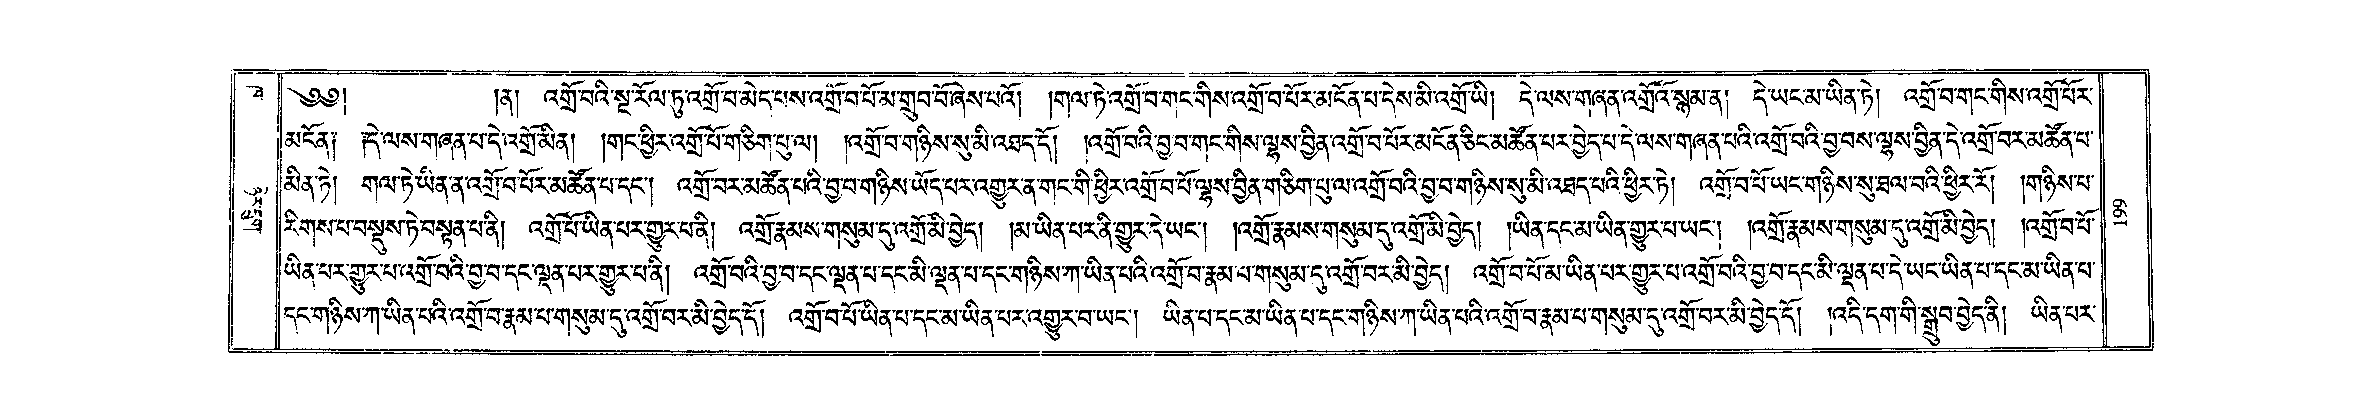༄༅། །ན། འགྲོ་བའི་སྔ་རོལ་ཏུ་འགྲོ་བ་མེད་པས་འགྲོ་བ་པོ་མ་གྲུབ་བོ་ཞེས་པའོ། །གལ་ཏེ་འགྲོ་བ་གང་གིས་འགྲོ་བ་པོར་མངོན་པ་དེས་མི་འགྲོ་ཡི། དེ་ལས་གཞན་འགྲོའོ་སྙམ་ན། དེ་ཡང་མ་ཡིན་ཏེ། འགྲོ་བ་གང་གིས་འགྲོ་པོར་
མངོན༑ ༑དེ་ལས་གཞན་པ་དེ་འགྲོ་མིན། །གང་ཕྱིར་འགྲོ་པོ་གཅིག་པུ་ལ། །འགྲོ་བ་གཉིས་སུ་མི་འཐད་དོ། །འགྲོ་བའི་བྱ་བ་གང་གིས་ལྷས་བྱིན་འགྲོ་བ་པོར་མངོན་ཅིང་མཚོན་པར་བྱེད་པ་དེ་ལས་གཞན་པའི་འགྲོ་བའི་བྱ་བས་ལྷས་བྱིན་དེ་འགྲོ་བར་མཚོན་པ་
མིན་ཏེ། གལ་ཏེ་ཡིན་ན་འགྲོ་བ་པོར་མཚོན་པ་དང་། འགྲོ་བར་མཚོན་པའི་བྱ་བ་གཉིས་ཡོད་པར་འགྱུར་ན་གང་གི་ཕྱིར་འགྲོ་བ་པོ་ལྷས་བྱིན་གཅིག་པུ་ལ་འགྲོ་བའི་བྱ་བ་གཉིས་སུ་མི་འཐད་པའི་ཕྱིར་ཏེ། འགྲོ་བ་པོ་ཡང་གཉིས་སུ་ཐལ་བའི་ཕྱིར་རོ། །གཉིས་པ་
རིགས་པ་བསྡུས་ཏེ་བསྟན་པ་ནི། འགྲོ་པོ་ཡིན་པར་གྱུར་པ་ནི། འགྲོ་རྣམས་གསུམ་དུ་འགྲོ་མི་བྱེད། །མ་ཡིན་པར་ནི་གྱུར་དེ་ཡང་། །འགྲོ་རྣམས་གསུམ་དུ་འགྲོ་མི་བྱེད། །ཡིན་དང་མ་ཡིན་གྱུར་པ་ཡང་། །འགྲོ་རྣམས་གསུམ་དུ་འགྲོ་མི་བྱེད། །འགྲོ་བ་པོ་
ཡིན་པར་གྱུར་པ་འགྲོ་བའི་བྱ་བ་དང་ལྡན་པར་གྱུར་པ་ནི། འགྲོ་བའི་བྱ་བ་དང་ལྡན་པ་དང་མི་ལྡན་པ་དང་གཉིས་ཀ་ཡིན་པའི་འགྲོ་བ་རྣམ་པ་གསུམ་དུ་འགྲོ་བར་མི་བྱེད། འགྲོ་བ་པོ་མ་ཡིན་པར་གྱུར་པ་འགྲོ་བའི་བྱ་བ་དང་མི་ལྡན་པ་དེ་ཡང་ཡིན་པ་དང་མ་ཡིན་པ་
དང་གཉིས་ཀ་ཡིན་པའི་འགྲོ་བ་རྣམ་པ་གསུམ་དུ་འགྲོ་བར་མི་བྱེད་དོ། འགྲོ་བ་པོ་ཡིན་པ་དང་མ་ཡིན་པར་འགྱུར་བ་ཡང་། ཡིན་པ་དང་མ་ཡིན་པ་དང་གཉིས་ཀ་ཡིན་པའི་འགྲོ་བ་རྣམ་པ་གསུམ་དུ་འགྲོ་བར་མི་བྱེད་དོ། །འདི་དག་གི་སྒྲུབ་བྱེད་ནི། ཡིན་པར་